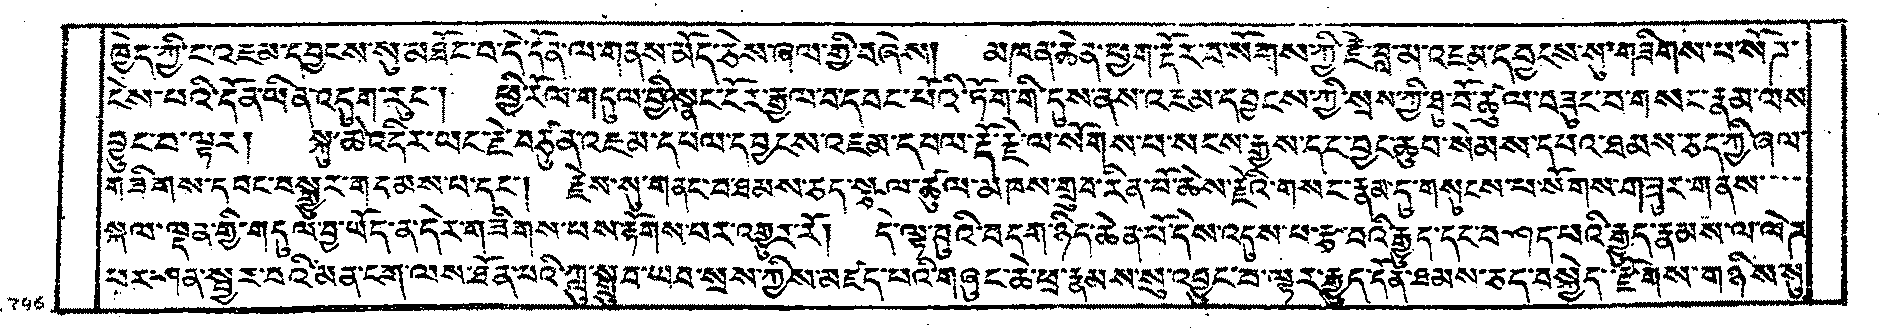ཁྱེད་ཀྱི་ང་འཇམ་དབྱངས་སུ་མཐོང་བ་དེ་དོན་ལ་གནས་མོད་ཅེས་ཞལ་གྱི་བཞེས། མཁན་ཆེན་ཕྱག་རྡོར་བ་སོགས་ཀྱི་རྗེ་བླ་མ་འཇམ་དབྱངས་སུ་གཟིགས་པ་སོགས་
ངེས་པའི་དོན་ཡིན་འདུག་རུང་། ཕྱི་རོལ་གདུལ་བྱའི་སྣང་ངོར་རྒྱལ་བ་དབང་པོའི་ཏོག་གི་དུས་ནས་འཇམ་དབྱངས་ཀྱི་སྲས་ཀྱི་ཐུ་བོ་ཚུལ་བཟུང་བ་གསང་རྣམ་ལས་
བྱུང་བ་ལྟར། སྐུ་ཚེ་འདིར་ཡང་རྗེ་བཙུན་འཇམ་དཔལ་དབྱངས་འཇམ་དཔལ་རྡོ་རྗེ་ལ་སོགས་པ་སངས་རྒྱས་དང་བྱང་ཆུབ་སེམས་དཔའ་ཐམས་ཅད་ཀྱི་ཞལ་
གཟིགས་དབང་བསྒྱུར་གདམས་པ་དང་། རྗེས་སུ་གནང་བ་ཐམས་ཅད་སྩལ་ཚུལ་མཁས་གྲུབ་རིན་པོ་ཆེས་རྗེའི་གསང་རྣམ་དུ་གསུངས་པ་སོགས་གཟུར་གནས་
སྐལ་ལྡན་གྱི་གདུལ་བྱ་ཡོད་ན་དེར་གཟིགས་པས་རྟོགས་པར་འགྱུར་རོ། དེ་ལྟ་བུའི་བདག་ཉིད་ཆེན་པོ་དེས་འདུས་པ་རྩ་བའི་རྒྱུད་དང་བཤད་པའི་རྒྱུད་རྣམས་ལ་ལེགས་
པར་ཤན་སྦྱར་བའི་མན་ངག་ལས་ཐོན་པའི་ཀླུ་སྒྲུབ་ཡབ་སྲས་ཀྱིས་མཛད་པའི་གཞུང་ཆེ་ཕྲ་རྣམས་སུ་འབྱུང་བ་ལྟར་རྒྱུད་དོན་ཐམས་ཅད་བསྐྱེད་རྫོགས་གཉིས་སུ་